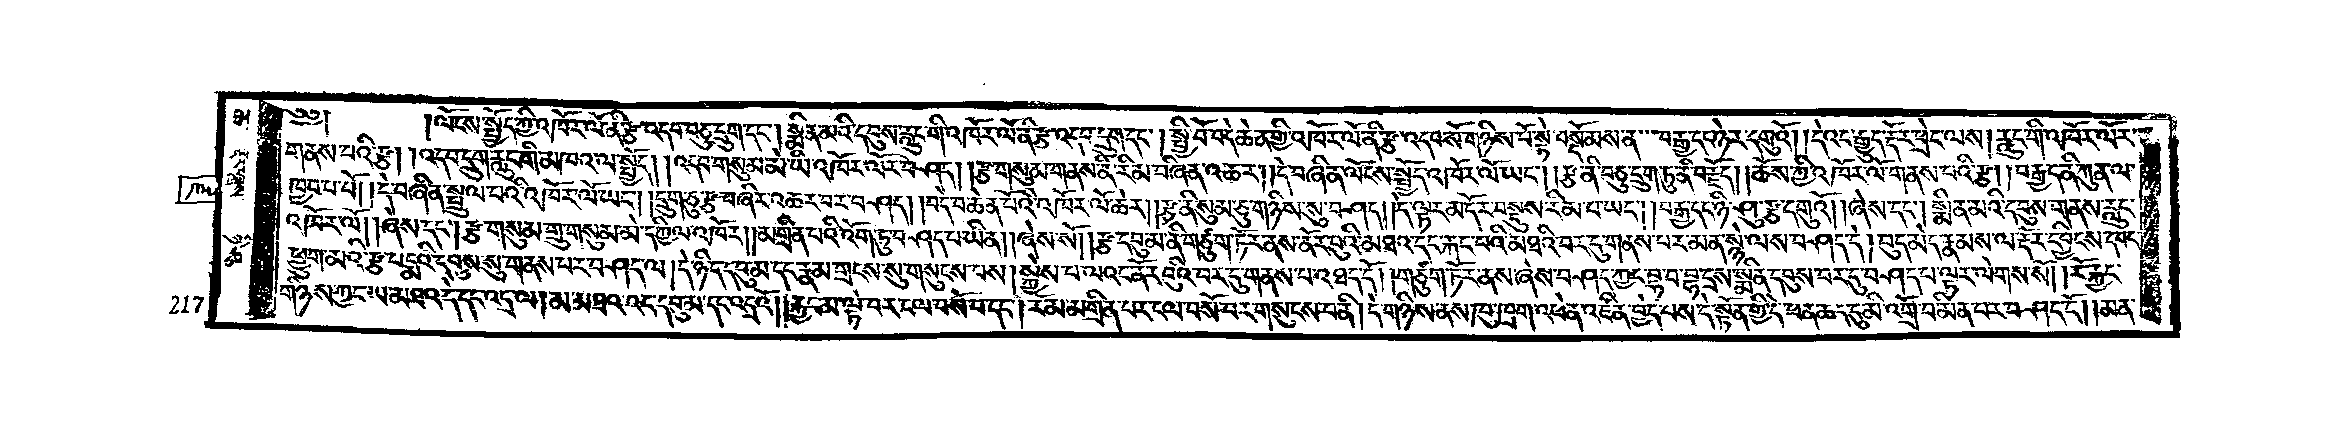༄༅། །ལོངས་སྤྱོད་ཀྱི་འཁོར་ལོ་ནི་རྩ་འདབ་བཅུ་དྲུག་དང་། སྨིན་མའི་དབུས་རླུང་གི་འཁོར་ལོ་ནི་རྩ་འདབ་དྲུག་དང་། སྤྱི་བོ་བདེ་ཆེན་གྱི་འཁོར་ལོ་ནི་རྩ་འདབ་སོ་གཉིས་པོ་སྟེ་བསྡོམས་ན་བརྒྱ་དང་ཉེར་དགུའོ། །དེའང་རྒྱུད་རྡོར་ཕྲེང་ལས། རླུང་གི་འཁོར་ལོར་
གནས་པའི་རྩ། །འདབ་དྲུག་རླུང་གི་མཁའ་ལ་སྤྱོད། །འདབ་གསུམ་མེ་ཡི་འཁོར་ལོར་བཤད། །རྩ་གསུམ་གནས་ནི་རིམ་བཞིན་འཆར། །དེ་བཞིན་ལོངས་སྤྱོད་འཁོར་ལོ་ཡང་། །རྩ་ནི་བཅུ་དྲུག་ཏུ་ནི་བརྗོད། །ཆོས་ཀྱི་འཁོར་ལོ་གནས་པའི་རྩ། །བརྒྱད་ནི་ཀུན་ལ་
ཁྱབ་པ་པོ། །དེ་བཞིན་སྤྲུལ་པའི་འཁོར་ལོ་ཡང་། །དྲུག་ཅུ་རྩ་བཞིར་འཆར་བར་བཤད། །བདེ་བ་ཆེན་པོའི་འཁོར་ལོ་ཆེར། །རྩ་ནི་སུམ་ཅུ་གཉིས་སུ་བཤད། །དེ་ལྟར་མདོར་བསྡུས་རིམ་པ་ཡང་། །བརྒྱ་དང་ཉི་ཤུ་རྩ་དགུའོ། །ཞེས་དང་། སྨིན་མའི་དབུས་གནས་རླུང་
འཁོར་ལོ། །ཞེས་དང་། རྩ་གསུམ་གྲུ་གསུམ་མེ་དཀྱིལ་འཁོར། །མགྲིན་པའི་འོག་ཏུ་བཤད་པ་ཡིན། །ཞེས་སོ། །རྩ་དབུ་མ་ནི་གཙུག་ཏོར་ནས་ནོར་བུའི་མཐའ་དང་རྐང་པའི་མཐའི་བར་དུ་གནས་པར་མན་སྙེ་ལས་བཤད་དེ། བུད་མེད་རྣམས་ལ་རྡོར་དབྱིངས་དབང་
ཕྱུག་མའི་རྩ་པདམའི་དབུས་སུ་གནས་པར་བཤད་ལ། དེ་ཉིད་དབུ་མ་དང་རྣམ་གྲངས་སུ་གསུངས་པས། སྐྱེས་པ་ལའང་ནོར་བུའི་བར་དུ་གནས་པ་འཐད་དོ། །གཙུག་ཏོར་ནས་ཞེས་བཤད་ཀྱང་བྷ་བ་བྷ་དྲས་སྨིན་དབུས་བར་དུ་བཤད་པ་ལྟར་ལེགས་སོ། །རོ་རྐྱང་
གཉིས་ཀྱང་ཡ་མཐའ་དེ་དང་འདྲ་ལ། མ་མཐའ་འང་དབུ་མ་དང་འདྲའོ། །རྐྱང་མ་ལྟེ་བར་ངལ་བསོ་བ་དང་། རོ་མ་མགྲིན་པར་ངལ་བསོ་བར་གསུངས་པ་ནི། དེ་གཉིས་ནས་ཁུ་ཁྲག་འཕེན་འཛིན་བྱེད་པས་དེ་སྟོན་གྱི་དེ་ཕན་ཆད་དུ་མི་འགྲོ་བ་མིན་པར་བཤད་དོ། །མན་